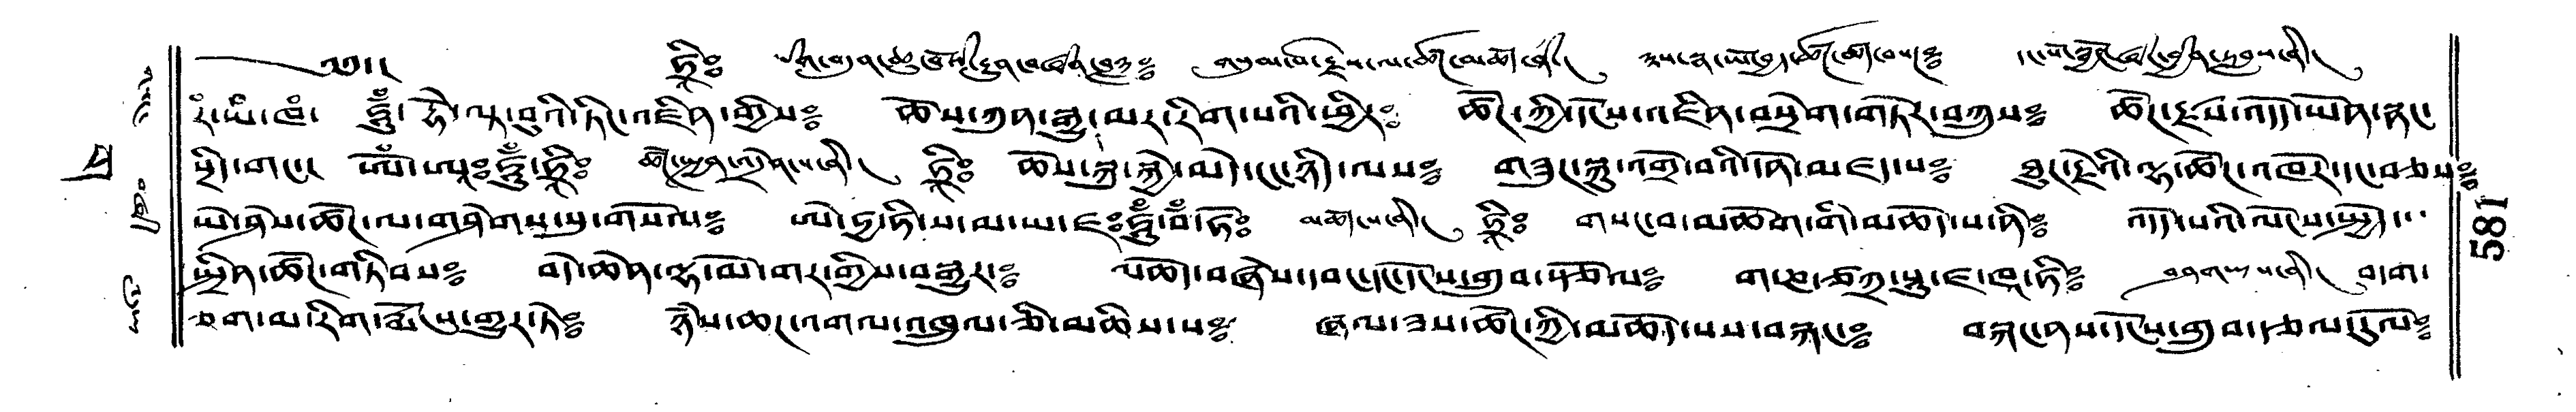ཧྲཱི༔ ཡིག་བདུན་ཆུ་བོའི་རྒྱུན་བཞིན་བཟླ། །གསུམ་པ་རྗེས་ལ་ཚོགས་མཆོད་ནི། །ཟས་སྣ་ཡོ་བྱད་ཚོགས་ཚད་བསགས། །དང་པོ་སྦྱོང་ཞིང་བྱིན་རླབས་ནི། 
རཾ་ཡཾ་ཁཾ༔ ཧཱུྃ༔ རྡོ་རྗེ་ལྟ་བུའི་ཏིང་འཛིན་གྱིས༔ ཆོས་ཀུན་སྒྱུ་མར་རིག་པའི་ཕྱིར༔ ཚོགས་ཀྱི་དངོས་འཛིན་བསྲེགས་གཏོར་བཀྲུས༔ ཚོགས་རྫས་འདོད་ཡོན་སྣང་
སྲིད་གང༔ ཨོཾ་ཨཱཿཧཱུྃ་ཧྲཱི༔ ཚོགས་སྤྱན་འདྲེན་པ་ནི། ཧྲཱི༔ ཆོས་སྐུ་སྐྱེ་མེད་ངང་ཉིད་ལས༔ གཟུགས་སྐུ་འགྲོ་བའི་དོན་མཛད་པ༔ ཐུགས་རྗེའི་ལྷ་ཚོགས་འཁོར་དང་བཅས༔ 
ཡེ་ཤེས་ཚོགས་ལ་གཤེགས་སུ་གསོལ༔ ཨེ་ཧྱ་ཧེ་ས་མ་ཡ་ཛཿཧཱུྃ་བྃ་ཧོ༔ མཆོད་པ་ནི། ཧྲཱི༔ གསང་བ་མཆོག་གི་མཆོད་པ་ནི༔ འདོད་པའི་ལོངས་སྤྱོད་
སྤྲིན་ཚོགས་གཏིབས༔ བདེ་ཆེན་ལྷ་མོ་གར་གྱིས་བསྒྱུར༔ མཆོད་བཞེས་དབང་དང་དངོས་གྲུབ་སྩོལ༔ ག་ཎ་ཙཀྲ་པཱུ་ཛ་ཁཱ་ཧི༔ བཤགས་པ་ནི། བདག་
ཅག་མ་རིག་རྨོངས་གྱུར་ཏེ༔ ཉམས་ཆགས་འགལ་འཁྲུལ་ཅི་མཆིས་པ༔ ཞལ་ཟས་ཚོགས་ཀྱི་མཆོད་པས་བསྐང༔ བསྐང་ནས་དངོས་གྲུབ་སྩལ་དུ་གསོལ༔